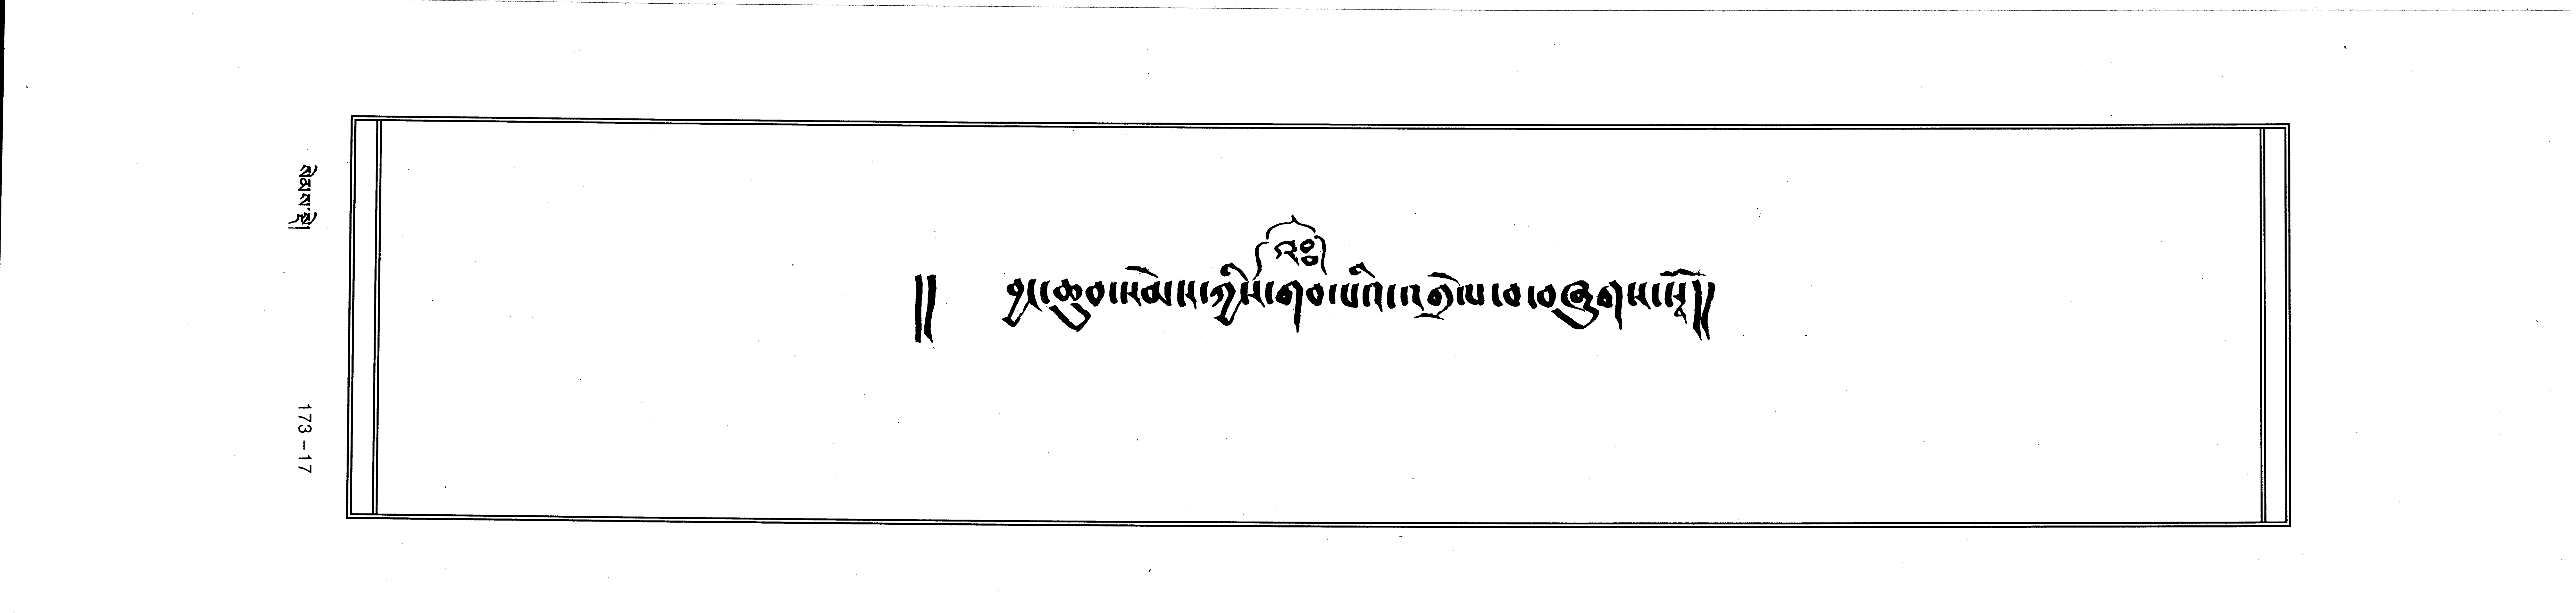བྱང་ཆུབ་སེམས་ཀྱི་གབ་པའི་འགྲེལ་བ་བཞུགས་སྭོ། །